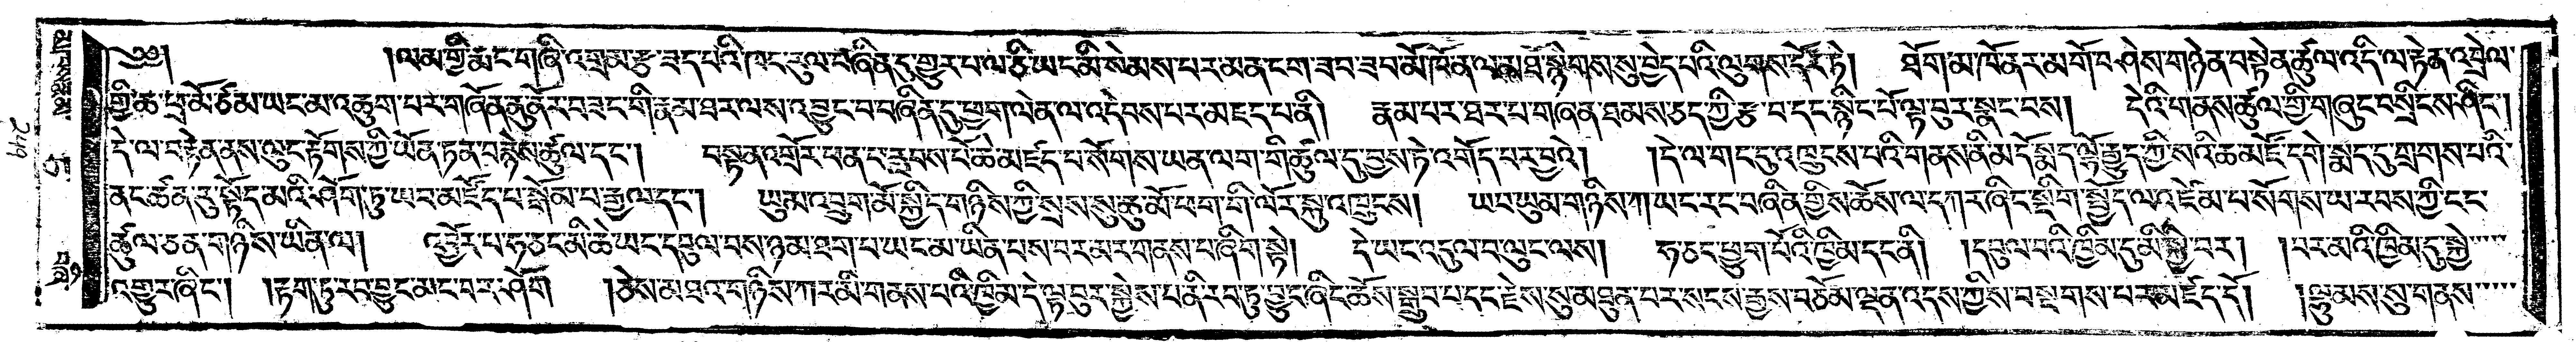༄༅། །ལམ་གྱི་རྨང་གཞི་འགྲམ་རྩ་ཟད་པའི་ཁང་རུལ་བཞིན་དུ་གྱུར་པ་ལ་ཅི་ཡང་མི་སེམས་པར་མན་ངག་ཟབ་ཟབ་མོ་ཁོ་ན་ལ་མཐོ་སྙེགས་སུ་བྱེད་པའི་ལུགས་དོར་ཏེ། ཐོག་མ་ཁོ་ནར་མགོ་བཤེས་གཉེན་བསྟེན་ཚུལ་འདི་ལ་རྟེན་འབྲེལ་
གྱི་ཆ་ཕྲ་མོ་ཙམ་ཡང་མ་འཆུག་བར་གཞོན་ནུ་ནོར་བཟང་གི་རྣམ་ཐར་ལས་འབྱུང་བ་བཞིན་དུ་ཕྱག་ལེན་ལ་འདེབས་པར་མཛད་པ་ནི། རྣམ་པར་ཐར་པ་གཞན་ཐམས་ཅད་ཀྱི་རྩ་བ་དང་སྙིང་པོ་ལྟ་བུར་སྣང་བས། དེའི་གནས་ཚུལ་གྱི་གཞུང་བསྲིངས་ཞིང་།
དེ་ལ་བརྟེན་ནས་ལུང་རྟོགས་ཀྱི་ཡོན་ཏན་བརྙེས་ཚུལ་དང་། བསྟན་འགྲོར་ཕན་པ་རླབས་པོ་ཆེ་མཛད་པ་སོགས་ཡན་ལག་གི་ཚུལ་དུ་བྱས་ཏེ་འགོད་པར་བྱའོ། །དེ་ལ་གང་དུ་འཁྲུངས་པའི་གནས་ནི་མདོ་སྨད་ལྷོ་རྒྱུད་ཀྱི་སའི་ཆ་མཛོད་དགེ་སྨད་དུ་གྲགས་པའི་
ནང་ཚན་རུ་སྟོད་མའི་ཤོག་ཏུ་ཡབ་མཛོད་བསྒོམ་པ་རྒྱལ་དང་། ཡུམ་འབྲུག་མོ་སྐྱིད་གཉིས་ཀྱི་སྲས་སུ་ཆུ་མོ་ཕག་གི་ལོར་སྐུ་འཁྲུངས། ཡབ་ཡུམ་གཉིས་ཀ་ཡང་རང་བཞིན་གྱིས་ཆོས་ལ་དཀར་ཞིང་གྱིས་ཆོས་ལ་དཀར་ཞིང་སྡིག་སྤྱོད་ལ་འཛེམ་པ་སོགས་ཡ་རབས་ཀྱི་ངང་
ཚུལ་ཅན་གཉིས་ཡིན་ལ། འབྱོར་པ་ཧ་ཅང་མི་ཆེ་ཡང་དབུལ་པས་ཉམ་ཐག་པ་ཡང་མ་ཡིན་པས་བར་མར་གནས་པ་ཞིག་སྟེ། དེ་ཡང་འདུལ་བ་ལུང་ལས། ཧ་ཅང་ཕྱུག་པོའི་ཁྱིམ་དང་ནི། །དབུལ་བའི་ཁྱིམ་དུ་མི་བསྐྱེ་བར། །བར་མའི་ཁྱིམ་དུ་སྐྱེ་
འགྱུར་ཞིང་། །རྟག་ཏུ་རབ་བྱུང་མང་བར་ཤོག །ཅེས་མཐའ་གཉིས་ཀྲ་མི་གནས་པའི་ཁྱིམ་དེ་ལྟ་བུར་སྐྱེས་པ་ནི་རབ་ཏུ་བྱུང་ཞིང་ཆོས་སྒྲུབ་པ་དང་རྗེས་སུ་མཐུན་པར་སངས་རྒྱས་བཅོམ་ལྡན་འདས་ཀྱིས་བསྔགས་པར་མཛད་དོ། །ལྷུམས་སུ་གནས་